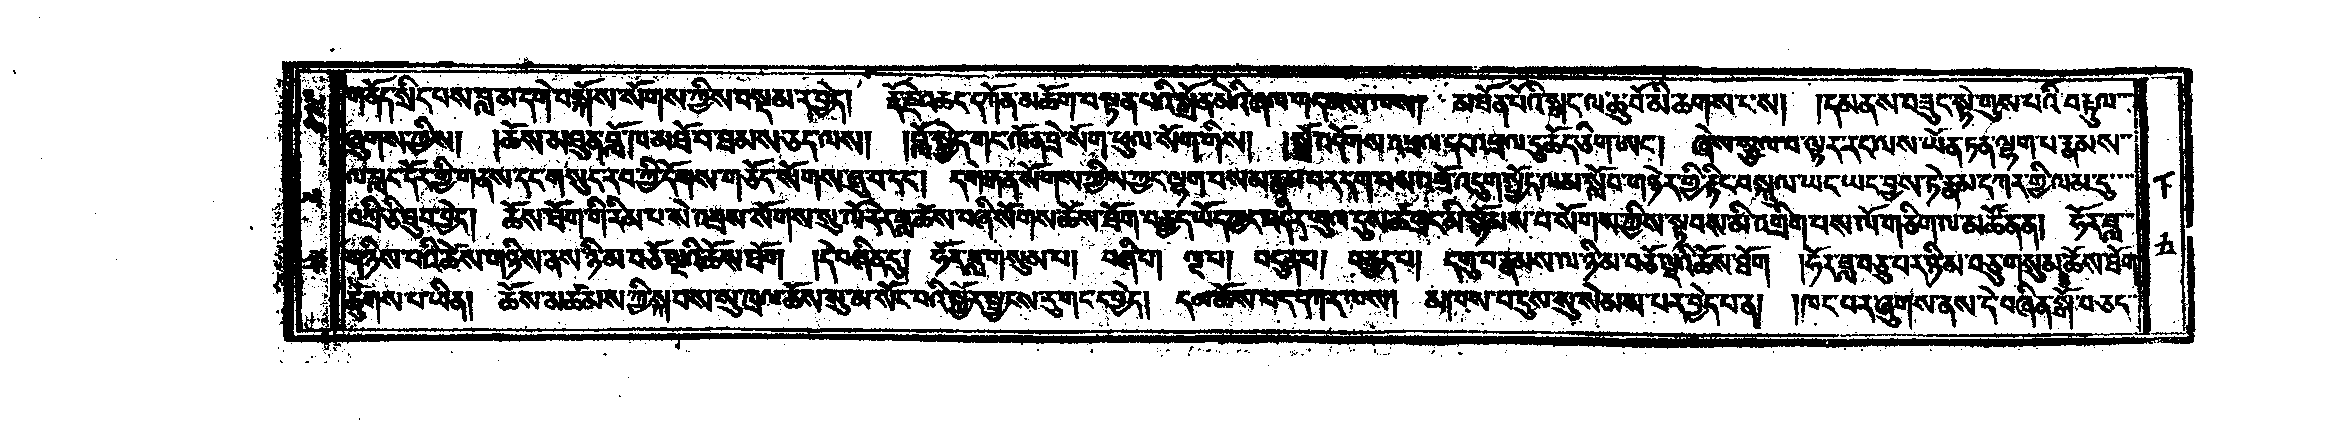གནད་སྲིད་པས་བླ་མ་དགེ་བསྐོས་སོགས་ཀྱིས་བསྡམ་ར་བྱེད། རྡོ་རྗེ་འཆང་དཀོན་མཆོག་བསྟན་པའི་སྒྲོན་མེའི་ཞལ་གདམས་ལས། མཐོན་པོའི་སྒང་ལ་ཆུ་བོ་མི་ཆགས་པས། །དམན་ས་བཟུང་སྟེ་གུས་པའི་བརྟུལ་
ཞུགས་ཀྱིས། །ཚེས་མཐུན་བློ་ཁ་མཐོ་བ་ཐམས་ཅད་ལས། །བློ་སྐྱེད་གང་ལོན་བྲེ་སོག་ཕུལ་སོག་གིས། །སྒྲོ་འདོགས་འཕྲལ་དང་འཕྲལ་དུ་ཆོད་ཅིག་ཨང་། ཞེས་སྩལ་བ་ལྟར་རང་ལས་ཡོན་ཏན་ལྷག་པ་རྣམས་
ལ་བླང་དོར་གྱི་གནས་དང་གསུང་རབ་ཀྱི་དོགས་གཅོད་སོགས་ཞུ་བ་དང་། དགེ?་རྒན་སོགས་ཀྱིས་ཀྱང་ལྷག་བསམ་རྣམ་པར་དག་པས་འགྲོ་འདུག་སྤྱོད་ལམ་སློབ་གཉེར་གྱི་རྟིང་བསྐུལ་ཡང་ཡང་བྱས་ཏེ་རྣམ་དཀར་གྱི་ལམ་དུ་
བཀྲི་ཅི་ཐུབ་བྱེད། ཆོས་ཐོག་གི་རིམ་པ་སེ་འབྲས་སོགས་སུ་ལོ་རེར་ཟླ་ཚེས་བཞི་སོགས་ཆོས་ཐོག་བརྒྱད་ཡོད་ཀྱང་འདིར་ཡུལ་དུས་ཚ་གྲང་མི་སྙོམས་པ་སོགས་ཀྱིས་སྟབས་མི་འགྲིག་པས་ལོ་གཅིག་ལ་མཚོན་ན། ཧོར་ཟླ་
གཉིས་པའི་ཚེས་གཉིས་ནས་ཉི་མ་བཅོ་ལྔའི་ཆོས་ཐོག །དེ་བཞིན་དུ། ཧོར་ཟླ་གསུམ་པ། བཞི་པ། ལྔ་པ། བདུན་པ། བརྒྱད་པ། དགུ་པ་རྣམས་ལ་ཉི་མ་བཅོ་ལྔའི་ཆོས་ཐོག །ཧོར་ཟླ་བཅུ་པར་ཉི་མ་བཅུ་གསུམ་གྱི་ཆོས་ཐོག་
ཚུགས་པ་ཡིན། ཆོས་མཚམས་ཀྱི་སྐབས་སུ་ཁྲལ་ཆོས་སུ་མ་སོང་བའི་སྐྱོར་སྦྱངས་རུ་གང་ང?་བྱེད། དམ་ཆོས་པད་དཀར་ལས། མཁས་པ་དུས་སུ་སེམས་པར་བྱེད་པ་ན། །ཁང་པར་ཞུགས་ནས་དེ་བཞིན་སྒོ་བཅད་